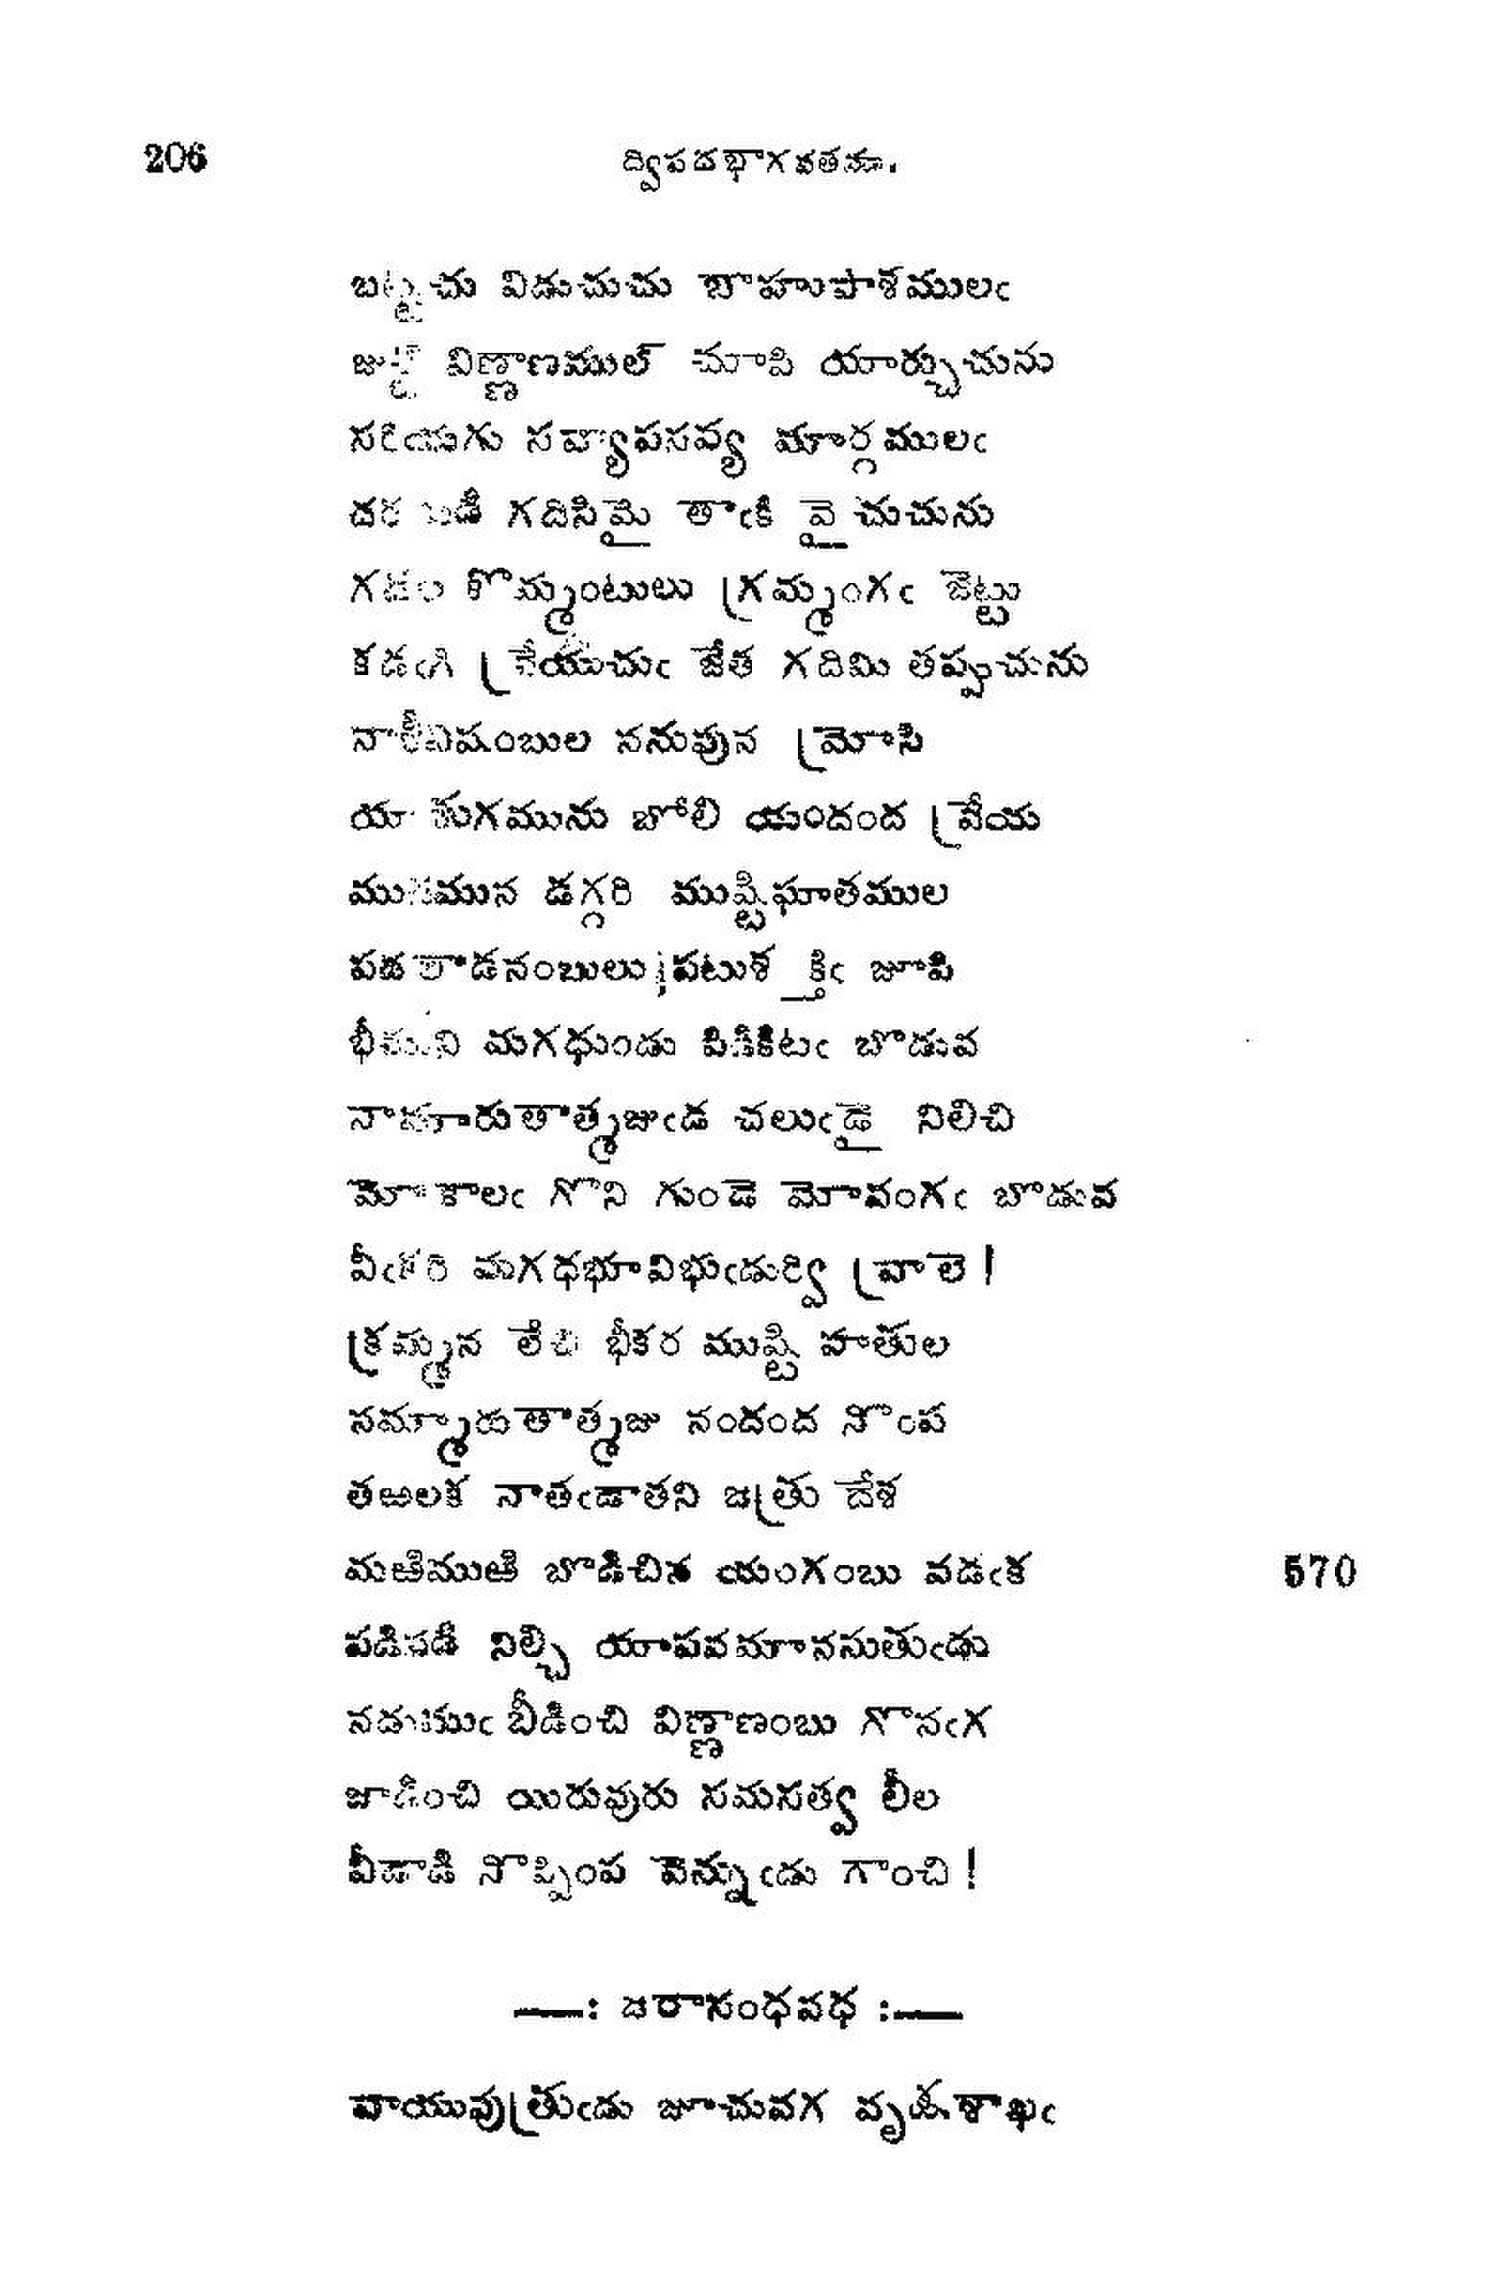బట్టుచు విడుచుచు బాహుపాశములఁ
జుట్టి విణ్ణాణముల్ చూపి యార్చుచును
సరియగు సవ్యాపసవ్య మార్గములఁ
దరమిడి గదిసమై తాఁకి వైచుచును
గడల కొమ్మంటులు గ్రమ్మంగఁ జెట్టు
కడఁగి వ్రేయుచుఁ జేత గదిమి తప్పుచును
నాశీవిషంబుల ననువున మ్రోసి
యాశుగమును బోలి యందంద వ్రేయ
ముదమున డగ్గరి ముష్టిఘాతముల
పదతాడనంబులు పటుశక్తిఁ జూపి
భీముని మగధుండు పిడికిటఁ బొడువ 
నామారుతాత్మజుఁడ చలుఁడై నిలిచి
మోకాలఁ గొని గుండె మోవంగఁ బొడువ
వీఁకరి మగధభూవిభుఁ డుర్వి వ్రాలె! 
క్రమ్మన లేచి భీకర ముష్టి హతుల
నమ్మారుతాత్మజు నందంద నొంప
తఱలక నాతఁడాతని జత్రు దేశ
మఱిముఱి బొడిచిన యంగంబు వడఁక
పడిపడి నిల్చి యాపవమానసుతుఁడు
నడుముఁ బీడించి విణ్ణాణంబు గొనఁగ
జాడించి యిరువురు సమసత్వ లీల
వీడాడి నొప్పింప వెన్నుఁడు గాంచి! 

వాయుపుత్రుఁడు జూచువగ వృక్షశాఖఁ